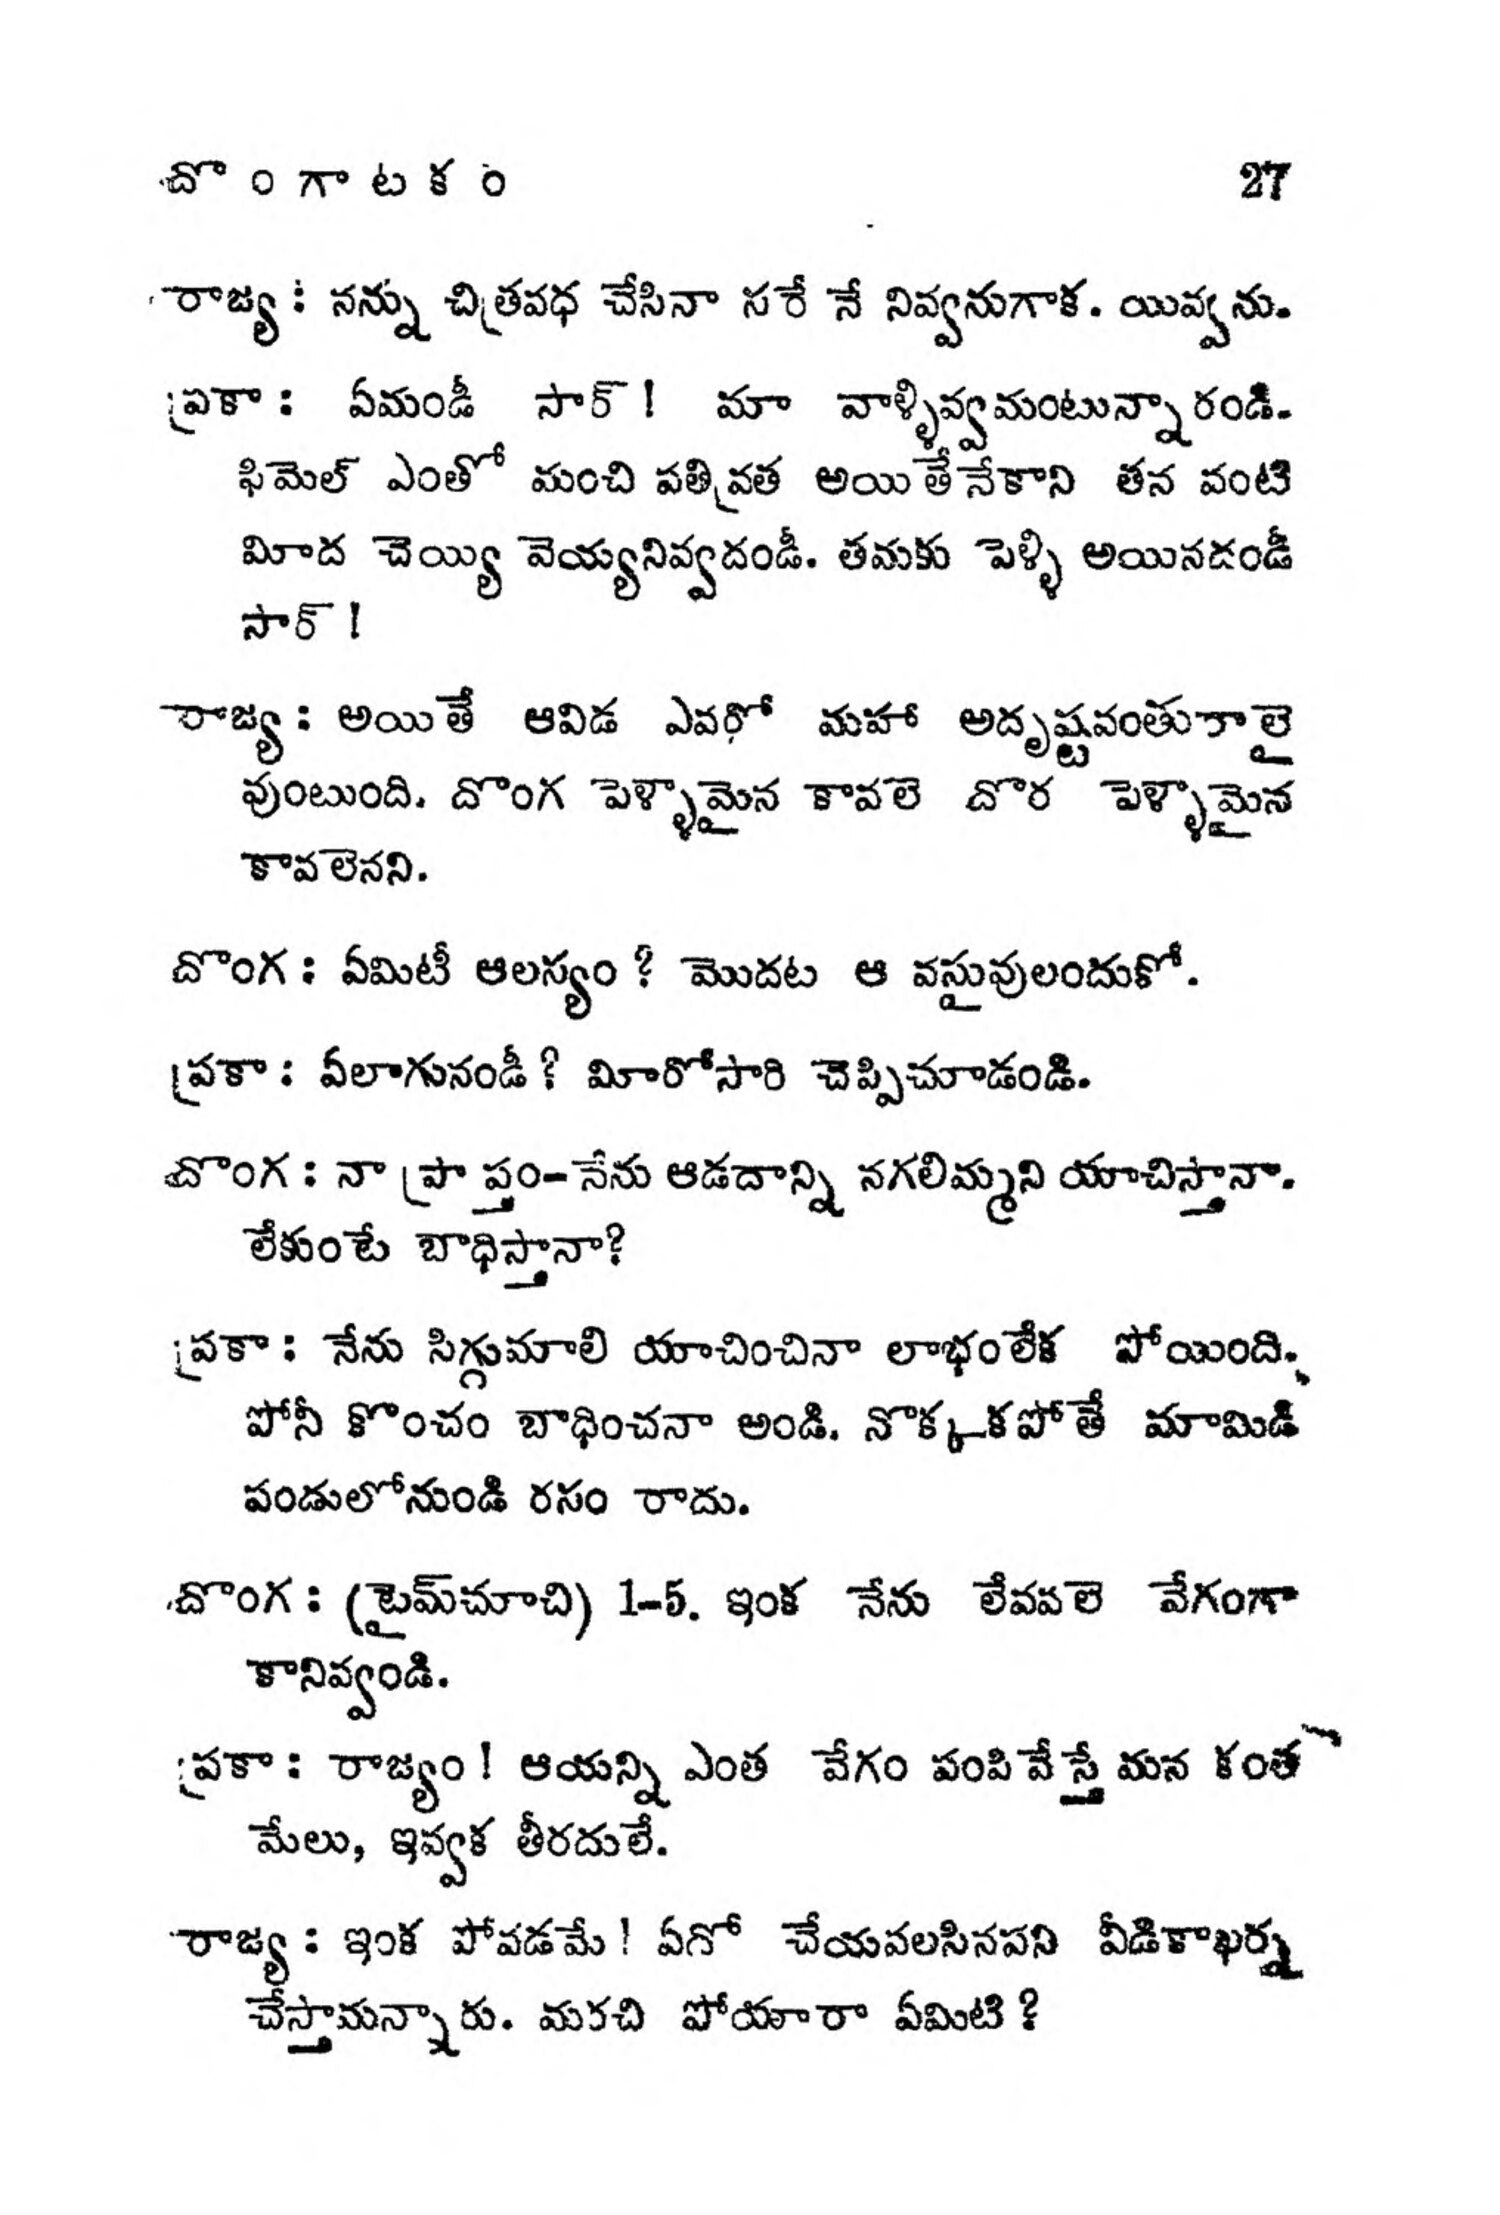రాజ్య : నన్ను చిత్రవధ చేసినా సరే నే నివ్వనుగాక. యివ్వను.

ప్రకా : ఏమండీ సార్! మా వాళ్ళివ్వమంటున్నారండి. ఫిమెల్ ఎంతో మంచి పతివ్రత అయితేనేకాని తన వంటి మీద చెయ్యి వెయ్యనివ్వదండీ. తమకు పెళ్ళి అయినదండీ సార్!

రాజ్య : అయితే ఆవిడ ఎవరో మహా అదృష్టవంతురాలై వుంటుంది. దొంగ పెళ్ళామైన కావలె దొర పెళ్ళామైన
కావలెనని.

దొంగ : ఏమిటీ ఆలస్యం? మొదట ఆ వస్తువులందుకో.

ప్రకా : ఏలాగునండీ? మీరోసారి చెప్పిచూడండి.

దొంగ : నా ప్రాప్తం - నేను ఆడదాన్ని నగలిమ్మని యాచిస్తానా. లేకుంటే బాధిస్తానా?

ప్రకా : నేను సిగ్గుమాలి యాచించినా లాభంలేక పోయింది. పోనీ కొంచం బాధించనా అండి. నొక్కకపోతే మామిడిపండులోనుండి రసం రాదు.

దొంగ : (టైమ్‌చూచి) 1-5. ఇంక నేను లేవవలె వేగంగా కానివ్వండి.

ప్రకా : రాజ్యం! ఆయన్ని ఎంత వేగం పంపివేస్తే మన కంత మేలు, ఇవ్వక తీరదులే.

రాజ్య : ఇంక పోవడమే! ఏదో చేయవలసినపని వీడికాఖర్న చేస్తామన్నారు. మరచి పోయారా ఏమిటి?